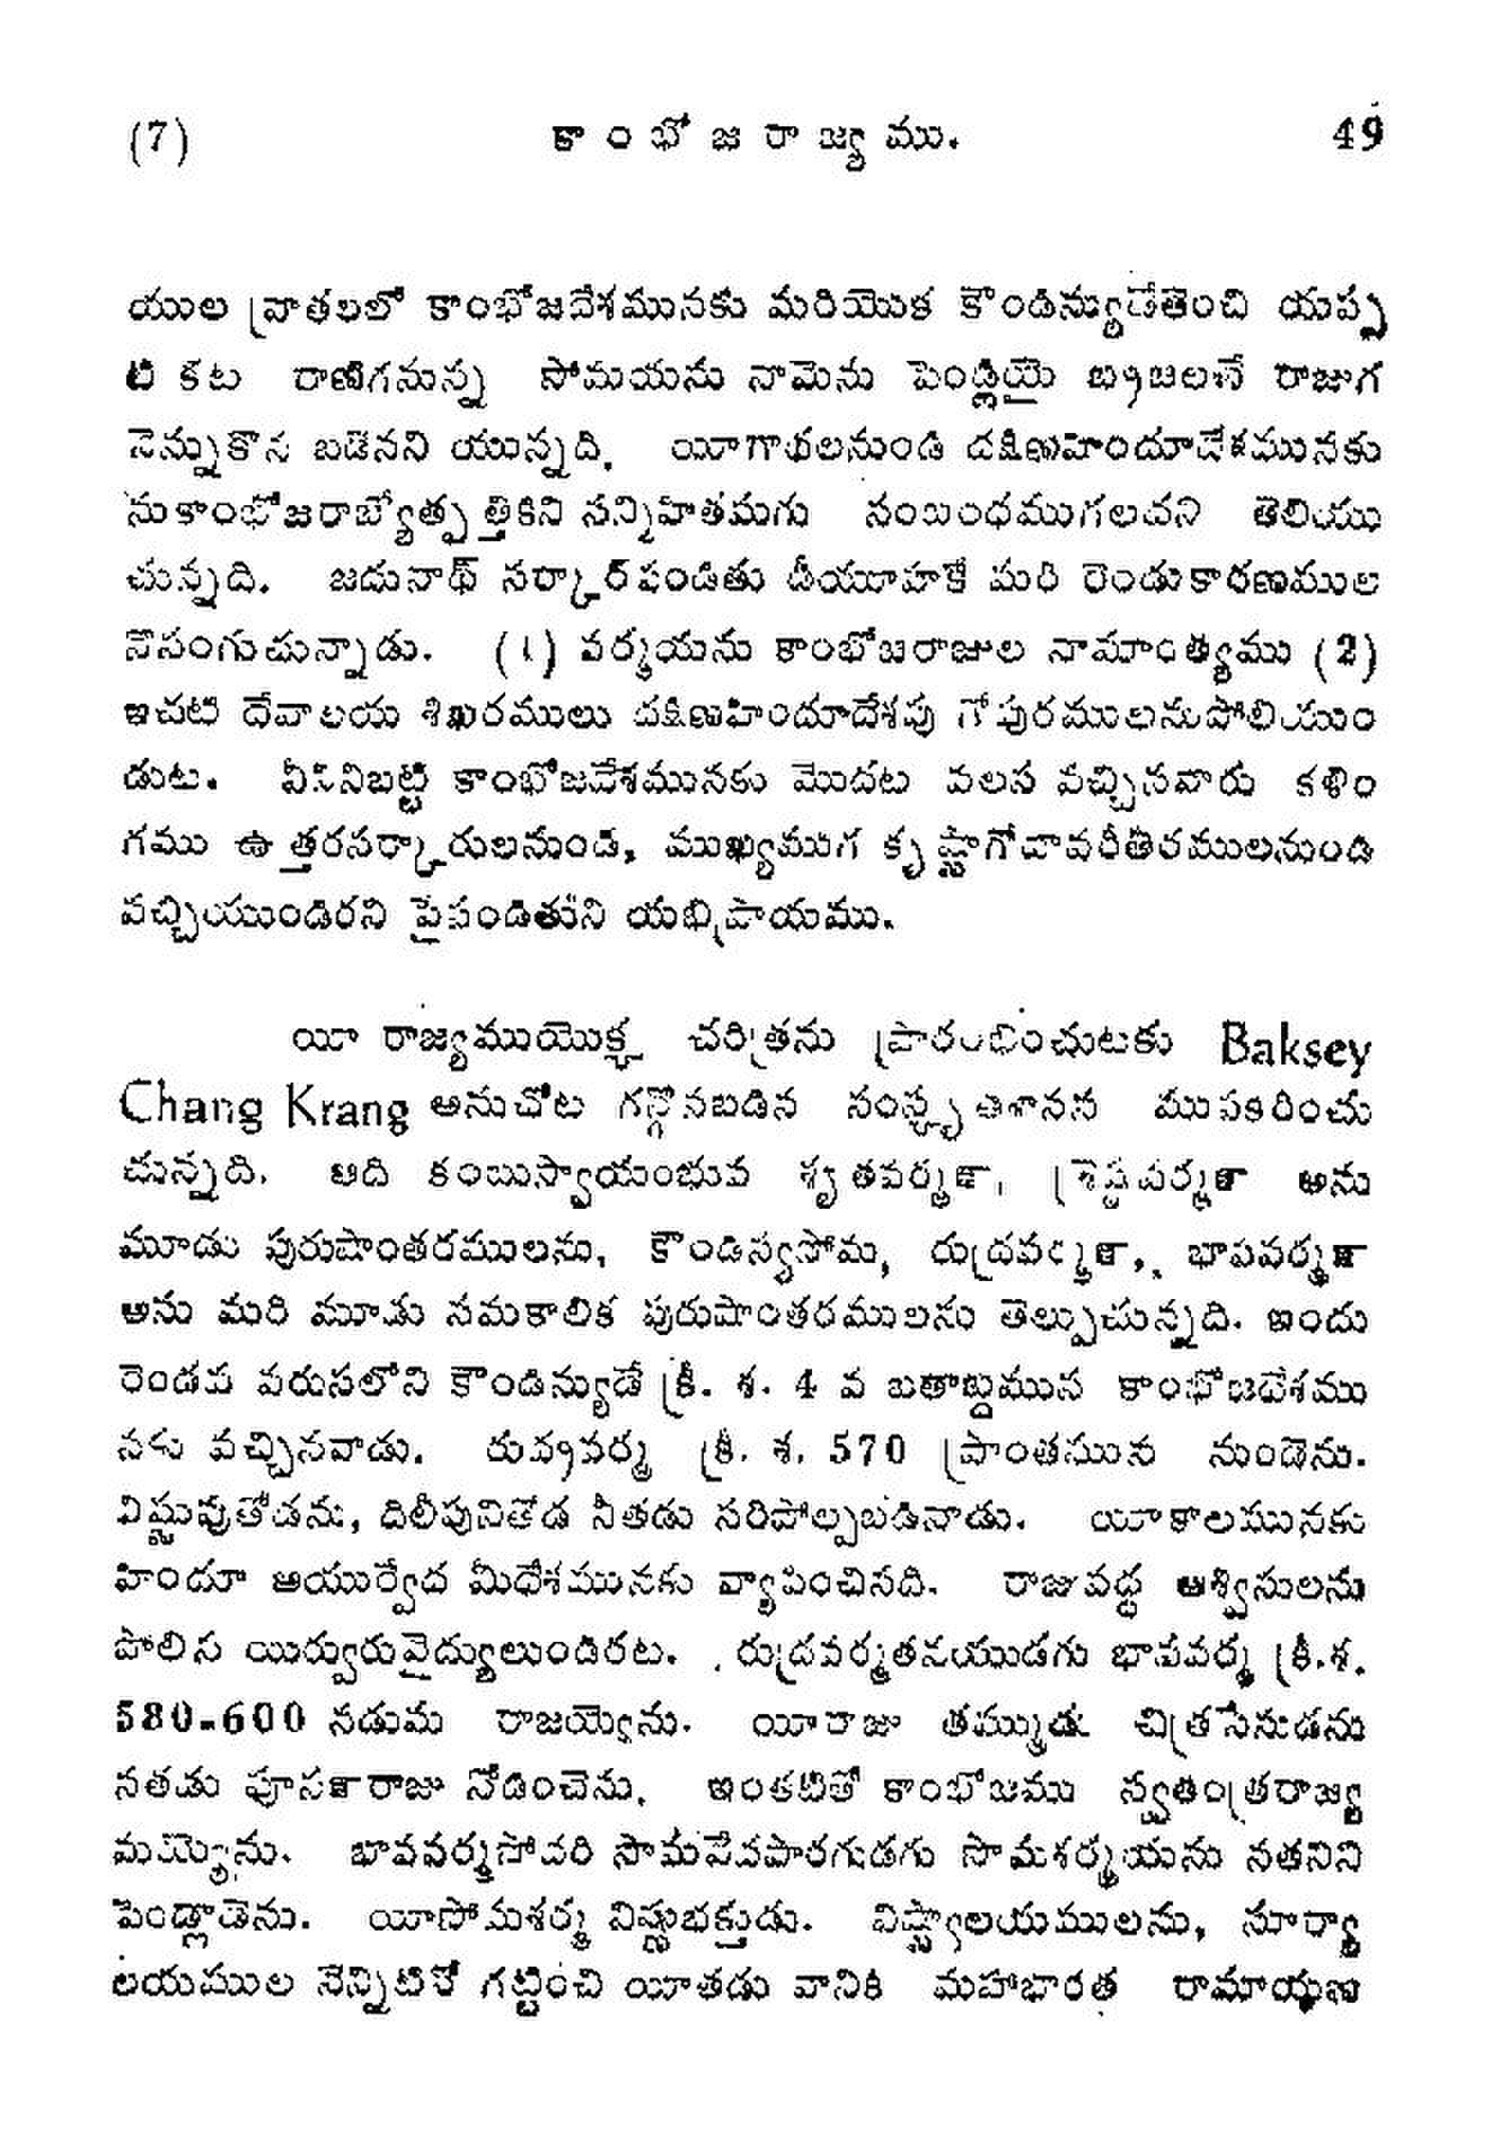యుల వ్రాతలలో కాంభోజదేశమునకు మరియొక కౌండిన్యుడేతెంచి యప్పటి కట రాణిగనున్న సోమయను నామెను పెండ్లియై బ్రజలచే రాజుగ నెన్నుకొన బడెనని యున్నది. యీగాథలనుండి దక్షిణహిందూదేశమునకును కాంభోజరాజ్యోత్పత్తికిని సన్నిహితమగు సంబంధముగలదని తెలియుచున్నది. జదునాథ్ సర్కార్‌పండితు డీయూహకే మరి రెండుకారణముల నొసంగుచున్నాడు. (1) వర్మయను కాంభోజరాజుల నామాంత్యము (2) ఇచటి దేవాలయ శిఖరములు దక్షిణహిందూదేశపు గోపురములనుపోలియుండుట. వీనినిబట్టి కాంభోజదేశమునకు మొదట వలస వచ్చినవారు కళింగము ఉత్తరసర్కారులనుండి, ముఖ్యముగ కృష్ణాగోదావరీతీరములనుండి వచ్చియుండిరని పైపండితుని యభిప్రాయము.

యీ రాజ్యముయొక్క చరిత్రను ప్రారంభించుటకు Baksey Chang Krang అనుచోట గన్గొనబడిన సంస్కృతశాసన ముపకరించుచున్నది. ఆది కంబుస్వాయంభువ శృతవర్మన్ , శ్రేష్ఠవర్మన్, భావవర్మన్ అను మరి మూడు సమకాలిక పురుషాంతరములను తెల్పుచున్నది. ఇందు రెండవ వరుసలోని కౌండిన్యుడే క్రీ. శ. 4 వ శతాబ్దమున కాంభోజదేశమునకు వచ్చినవాడు, రుద్రవర్మ క్రీ. శ. 570 ప్రాంతమున నుండెను. విష్ణువుతోడను, దిలీపునితోడ నీతడు సరిపోల్పబడినాడు. యీ కాలమునకు హిందూ ఆయుర్వేద మీదేశమునకు వ్యాపించినది. రాజువద్ద అశ్వినులను పోలిన యిర్వురువైద్యులుండిరట. రుద్రవర్మతనయుడగు భావవర్మ క్రీ. శ. 580-600 నడుమ రాజయ్యెను. యీరాజు తమ్ముడు చిత్రసేనుడను నతడు పూనన్‌రాజు నోడించెను. ఇంతటితో కాంభోజము స్వతంత్రరాజ్యమయ్యెను. భావవర్మసోదరి సామవేదపారగుడగు సోమశర్మయను నతనిని పెండ్లాడెను. యీసోమశర్మ విష్ణుభక్తుడు. విష్ణ్వాలయములను, సూర్యాలయముల నెన్నిటినో గట్టించి యీతడు వానికి మహాభారత రామాయణ